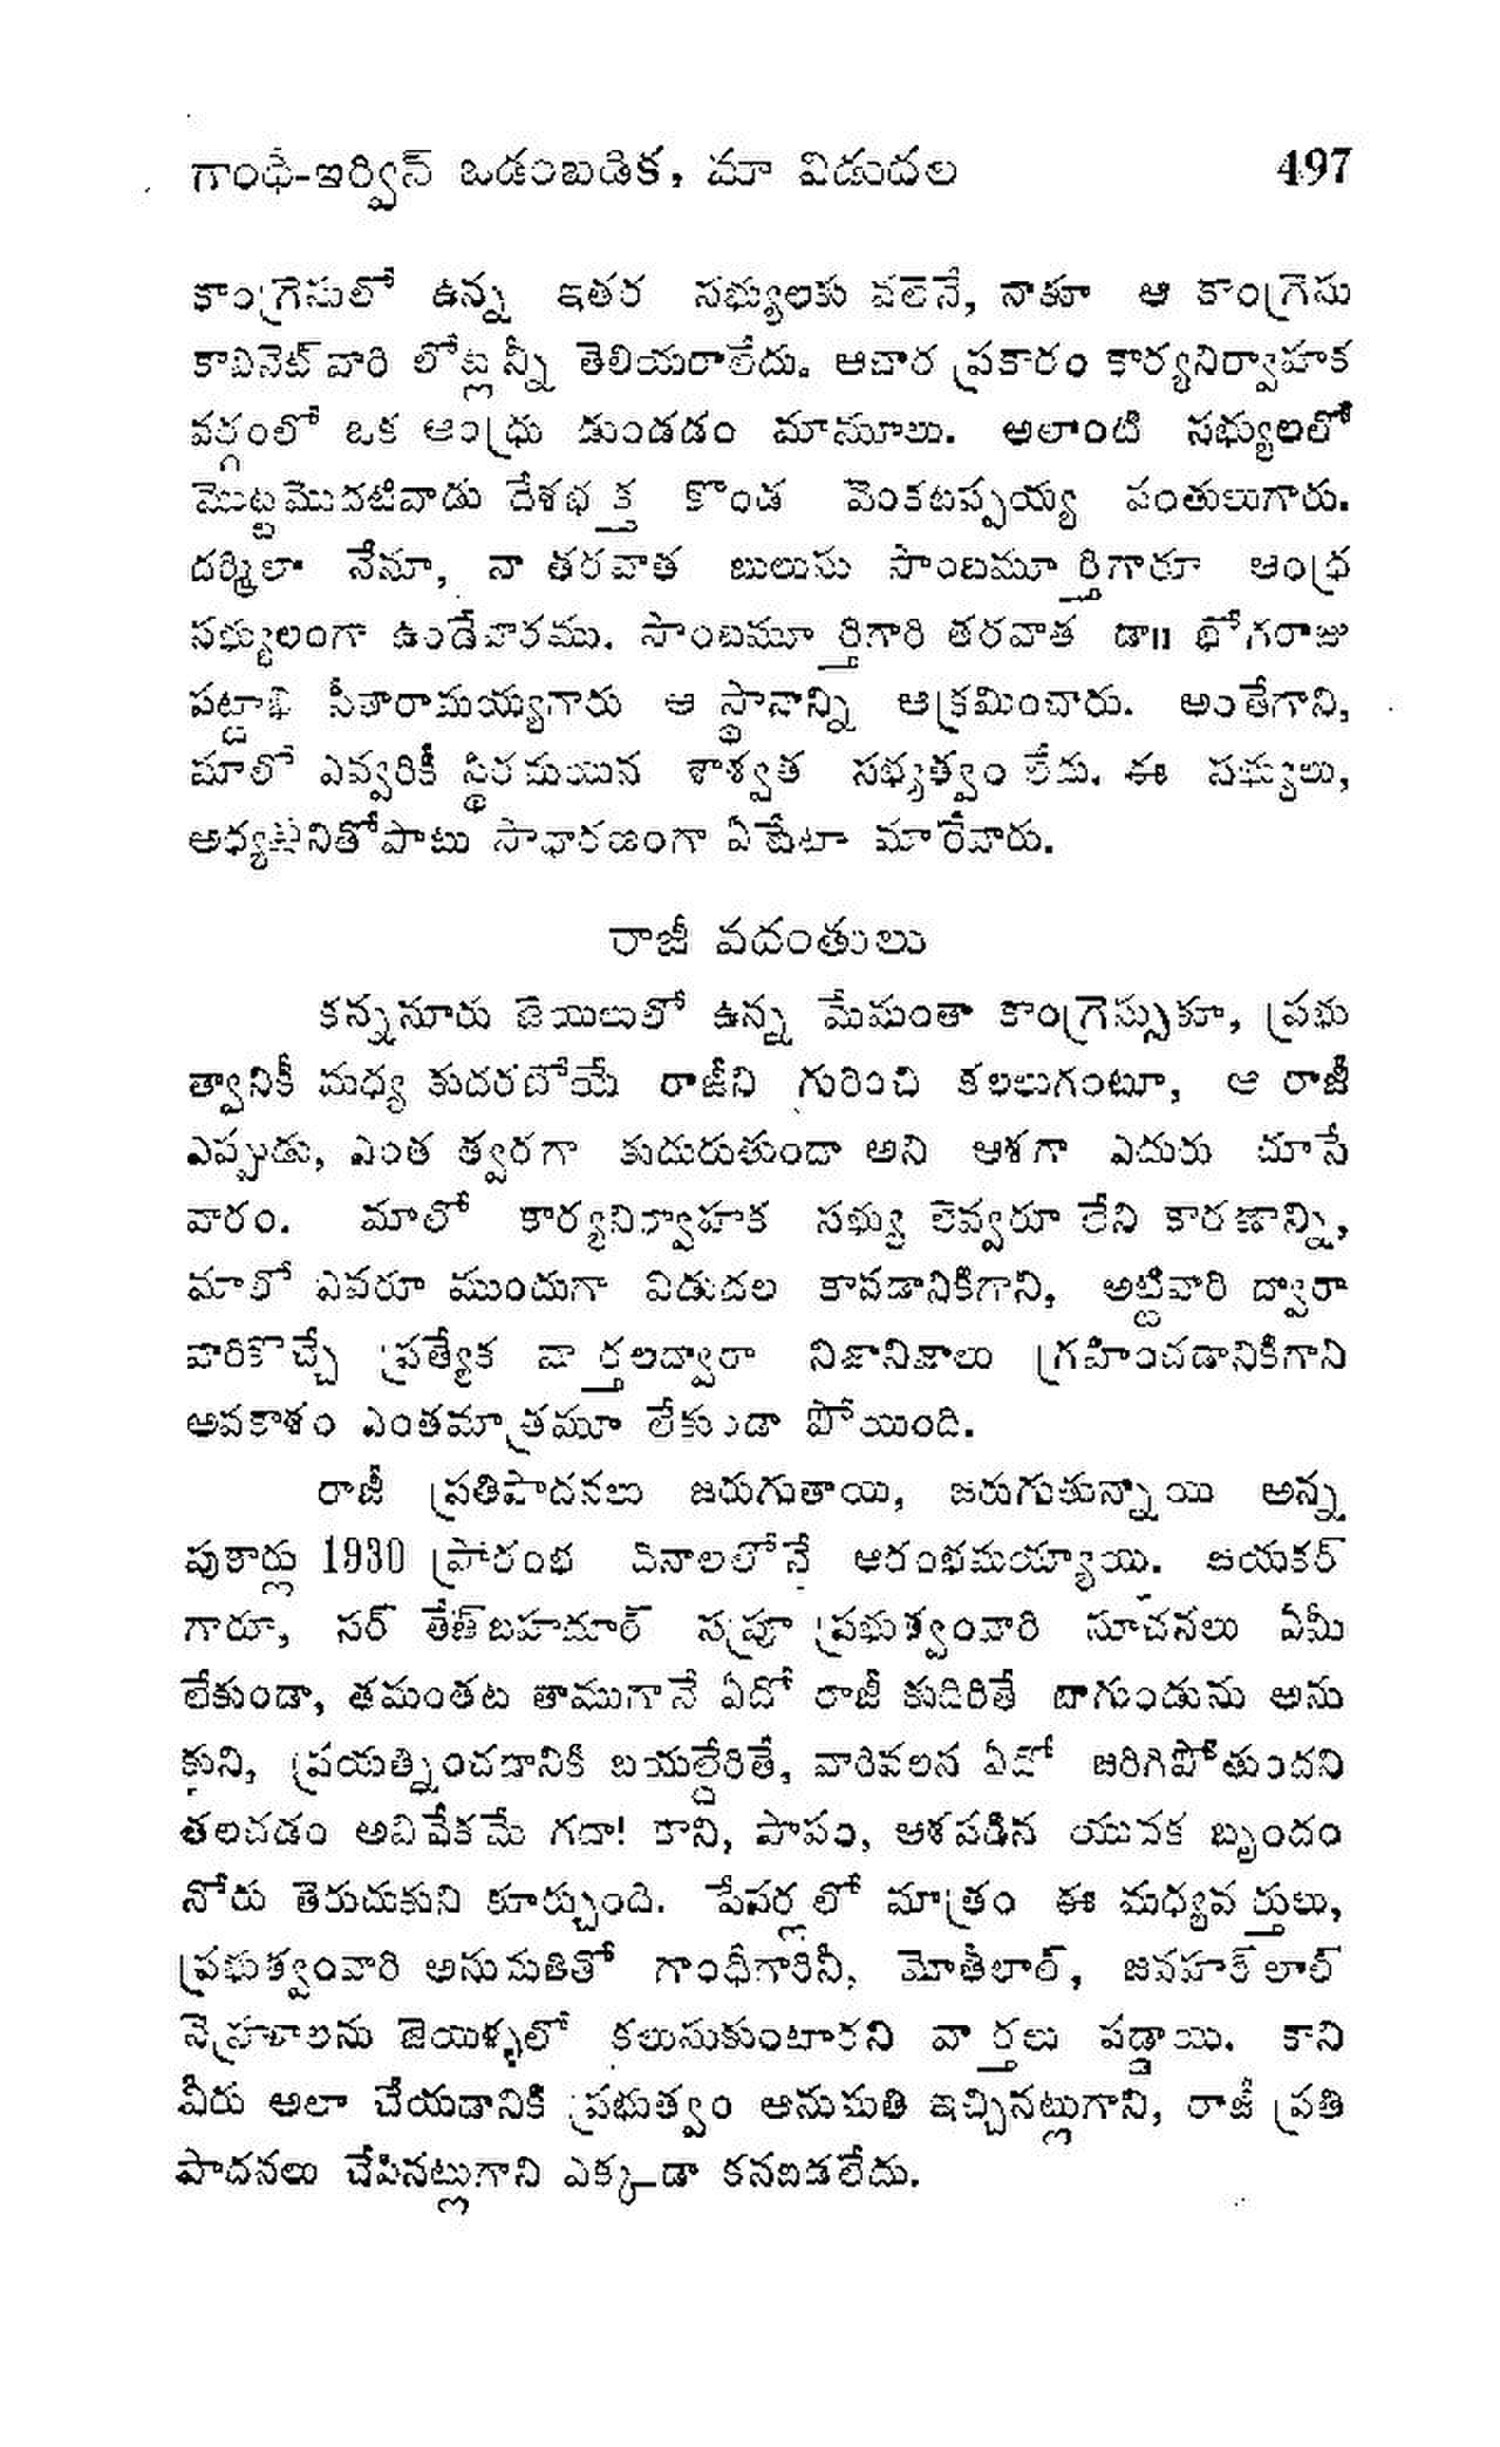కాంగ్రెసులో ఉన్న ఇతర సభ్యులకు వలెనే, నాకూ ఆ కాంగ్రెసు కాబినెట్ వారి లోట్లన్నీ తెలియరాలేదు. ఆచార ప్రకారం కార్యనిర్వాహక వర్గంలో ఒక ఆంధ్రు డుండడం మామూలు. ఆలాంటి సభ్యులలో మొట్టమొదటివాడు దేశభక్త కొండ వెంకటప్పయ్య పంతులుగారు. దర్మిలా నేనూ, నా తరవాత బులుసు సాంబమూర్తిగారూ ఆంధ్ర సభ్యులంగా ఉండేవారము. సాంబమూర్తిగారి తరవాత డా॥ భోగరాజు పట్టాభి సీతారామయ్యగారు ఆ స్థానాన్ని ఆక్రమించారు. అంతేగాని, మాలో ఎవ్వరికి స్థిరమయిన శాశ్వత సభ్యత్వం లేదు. ఈ సభ్యులు, అధ్యక్షునితోపాటు సాధారణంగా ఏటేటా మారేవారు.

కన్ననూరు జెయిలులో ఉన్న మేమంతా కాంగ్రెస్సుకూ, ప్రభుత్వానికీ మధ్య కుదరబోయే రాజీని గురించి కలలుగంటూ, ఆ రాజీ ఎప్పుడు, ఎంత త్వరగా కుదురుతుందా అని ఆశగా ఎదురు చూసే వారం. మాలో కార్యనిర్వాహక సభ్యు లెవ్వరూ లేని కారణాన్ని, మాలో ఎవరూ ముందుగా విడుదల కావడానికిగాని, అట్టివారి ద్వారా వారికొచ్చే ప్రత్యేక వార్తలద్వారా నిజా నిజాలు గ్రహించడానికిగాని అవకాశం ఎంతమాత్రమూ లేకుండా పోయింది.

రాజీ ప్రతిపాదనలు జరుగుతాయి, జరుగుతున్నాయి అన్న పుకార్లు 1930 ప్రారంభ దినాలలోనే ఆరంభమయ్యాయి. జయకర్ గారూ, సర్ తేజ్‌బహదూర్ సప్రూ ప్రభుత్వంవారి సూచనలు ఏమీ లేకుండా, తమంతట తాముగానే ఏదో రాజీ కుదిరితే బాగుండును అనుకుని ప్రయత్నించడానికి బయల్దేరితే, వారివలన ఏదో జరిగిపోతుందని తలచడం అవివేకమే గదా! కాని, పాపం, ఆశపడిన యువక బృందం నోరు తెరుచుకుని కూర్చుంది. పేపర్లలో మాత్రం ఈ మధ్యవర్తులు, ప్రభుత్వంవారి అనుమతితో గాంధీగారినీ, మోతీలాల్, జవహర్‌లాల్ నెహ్రూ లను జెయిళ్ళలో కలుసుకుంటారని వార్తలు పడ్డాయి. కాని వీరు అలా చేయడానికి ప్రభుత్వం అనుమతి ఇచ్చినట్లుగాని, రాజీ ప్రతిపాదనలు చేసినట్లుగాని ఎక్కడా కనబడలేదు.